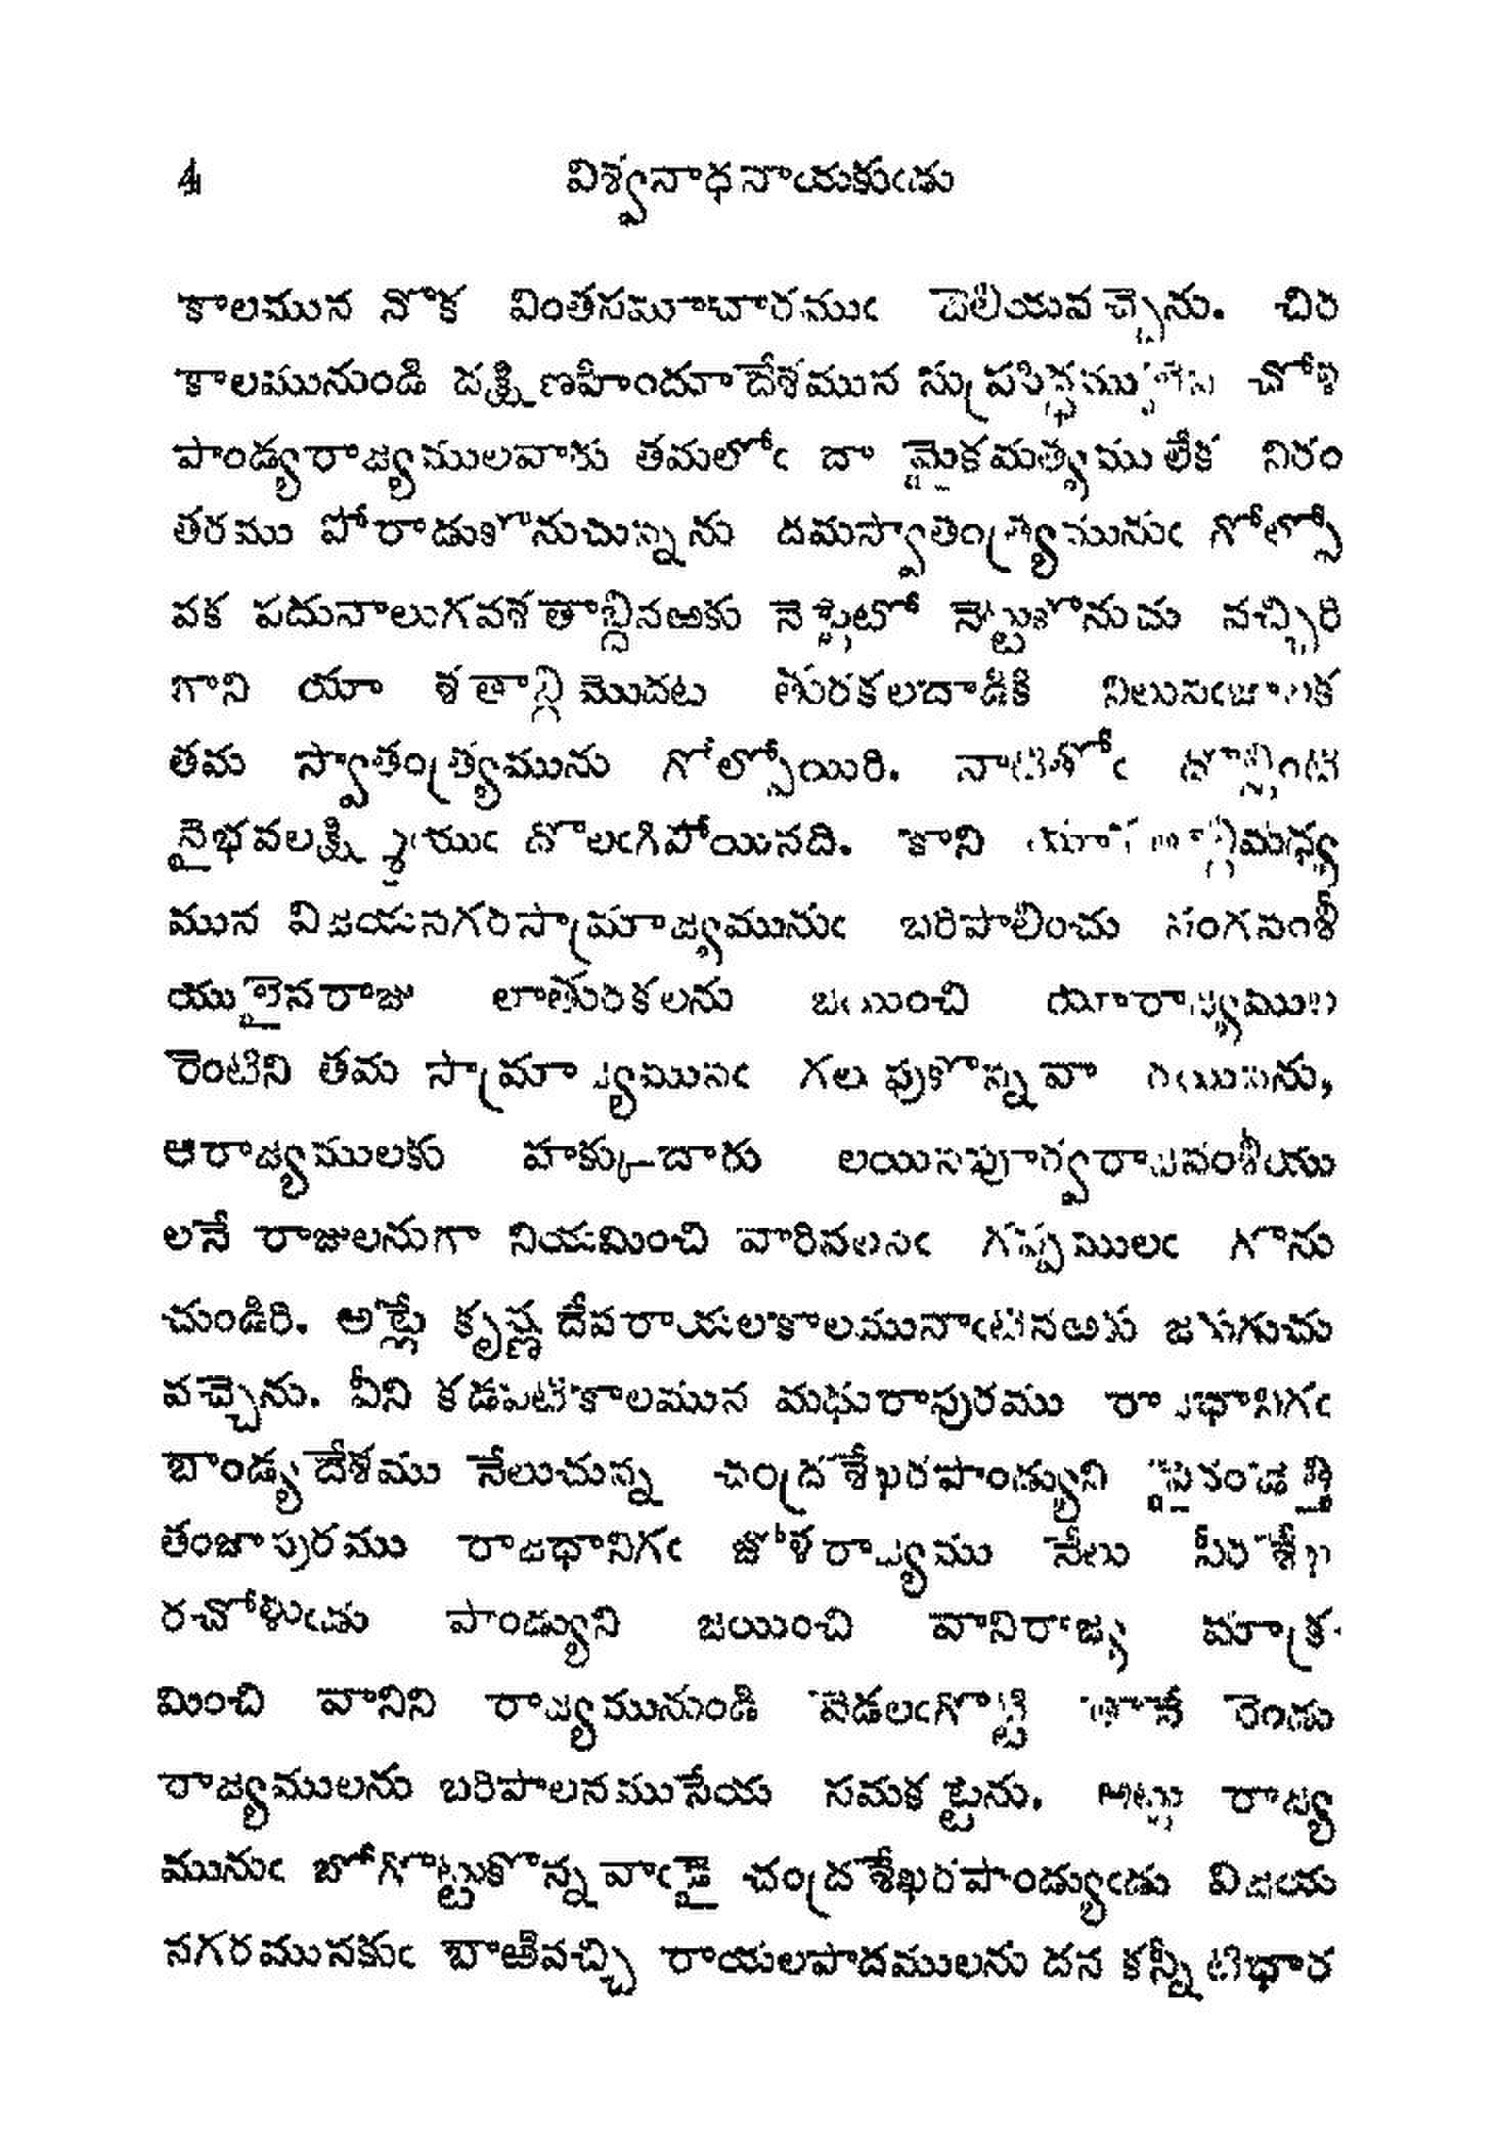కాలమున నొక వింతసమాచారముఁ దెలియవచ్చెను. చిరకాలమునుండి దక్షిణహిందూదేశమున సుప్రసిద్ధములైన చోళ పాండ్యరాజ్యములవారు తమలోఁ దా మైకమత్యములేక నిరంతరము పోరాడుకొనుచున్నను దమస్వాతంత్ర్యమునుఁ గోల్పోవక పదునాలుగవశతాబ్దివఱకు నెట్టెటో నెట్టుకొనుచు వచ్చిరి గాని యా శతాబ్దిమొదట తురకలదాడికి నిలువఁజాలక తమ స్వాతంత్ర్యమును గోల్పోయిరి. వాటితోఁ దొల్లింటి వైభవలక్ష్మియుఁ దొలఁగిపోయినది. కాని యాశతాబ్దిమధ్యమున విజయనగరసామ్రాజ్యమునుఁ బరిపాలించు సంగవంశీయులైనరాజు లాతురకలను జయించి యారాజ్యముల రెంటిని తమ సామ్రాజ్యమునఁ గలుపుకొన్నవా రయినను, ఆరాజ్యములకు హక్కుదారు లయినపూర్వరాజవంశీయులనే రాజులనుగా నియమించి వారివలనఁ గప్పములఁ గొనుచుండిరి. అట్లే కృష్ణదేవరాయలకాలమునాఁటివఱకు జరుగుచు వచ్చెను. వీని కడపటికాలమున మధురాపురము రాజధానిగఁ బాండ్య దేశము నేలుచున్న చంద్రశేఖరపాండ్యుని పైదండెత్తి తంజాపురము రాజధానిగఁ జోళరాజ్యము నేలు వీరశేఖరచోళుఁడు పాండ్యుని జయించి వానిరాజ్య మాక్రమించి వానిని రాజ్యమునుండి వెడలుగొట్టి తానే రెండు రాజ్యములను బరిపాలనముసేయ సమకట్టెను. అట్లు రాజ్యమునుఁ బోగొట్టుకొన్నవాఁడై చంద్రశేఖరపాండ్యుఁడు విజయనగరమునకుఁ బాఱివచ్చి రాయలపాదములను దన కన్నీటిధార